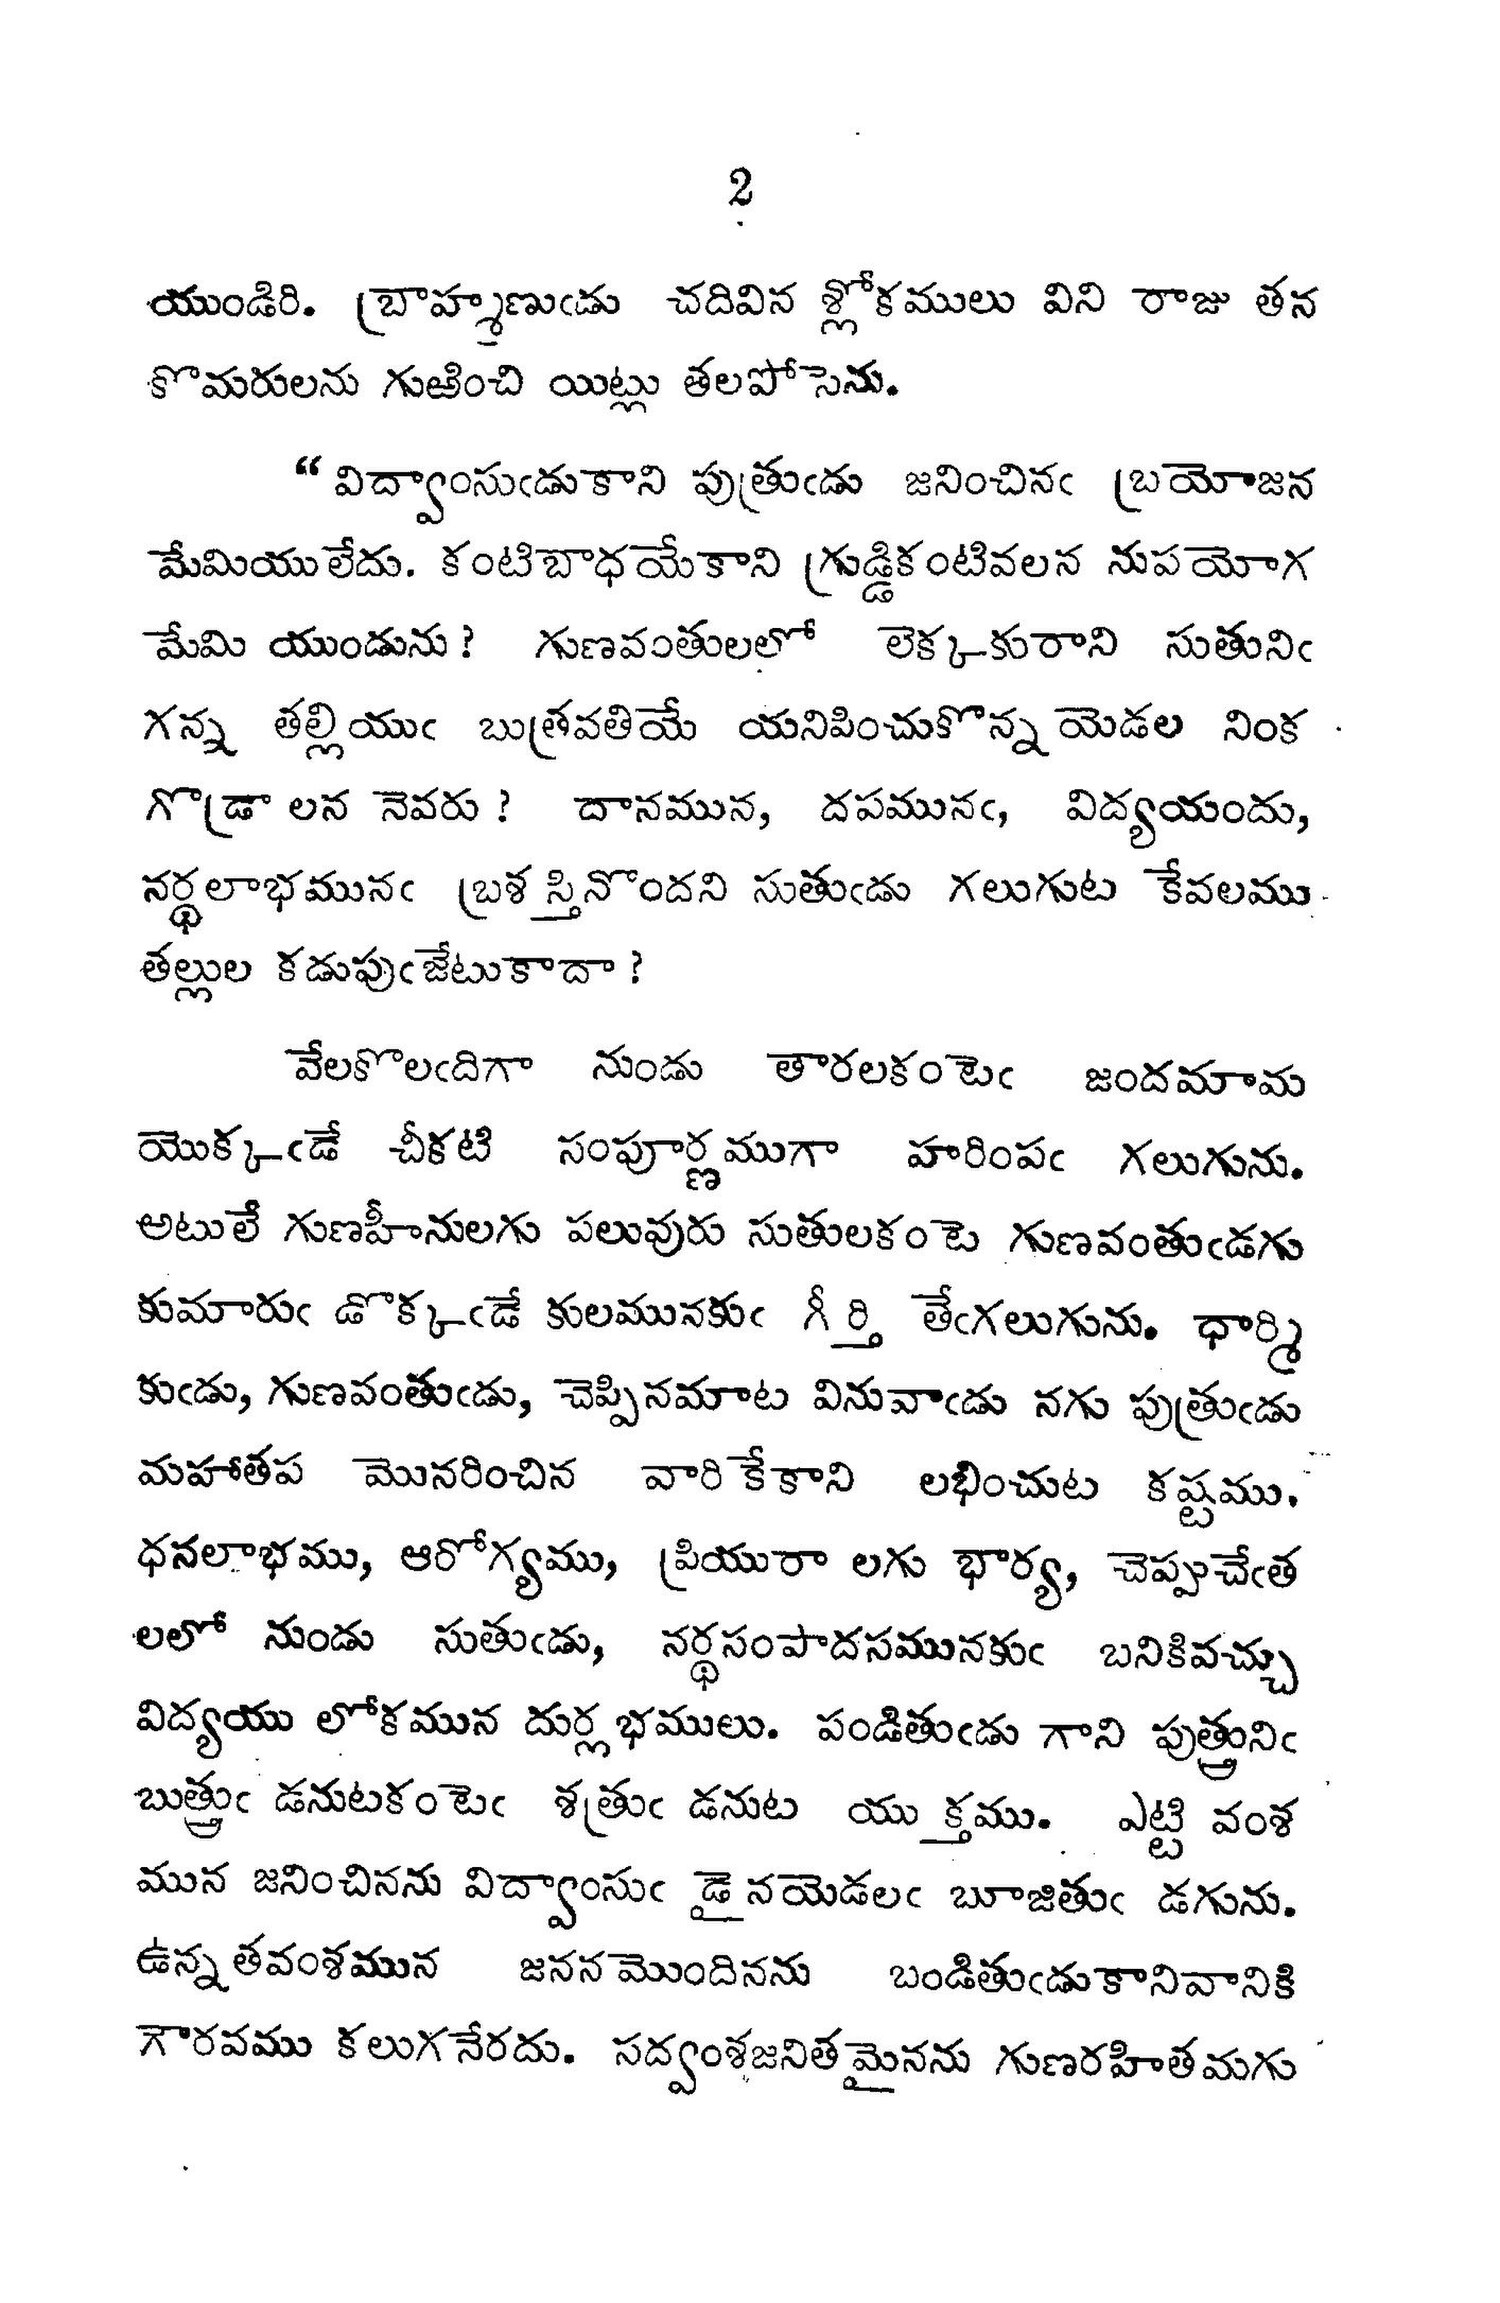యుండిరి. బ్రాహ్మణుడు చదివిన శ్లోకములు విని రాజు తన కొమరులను గుఱించి యిట్లు తలపోసెను.

"విద్వాంసుడుకాని పుత్రుడు జనించిన బ్రయోజన మేమియులేదు. కంటిబాధయేకాని గ్రుడ్డికంటివలన నుపయోగ మేమి యుండును? గుణవంతులలో లెక్కకురాని సుతుని గన్న తల్లియు బుత్రవతియే యనిపించుకొన్న యెడల నింక గొడ్రా లన నెవరు? దానమున, దపమున, విద్యయందు, నర్థలాభమున బ్రశస్తినొందని సుతుడు గలుగుట కేవలము తల్లుల కడుపు జేటుకాదా?

వేలకొలదిగా నుండు తారలకంటె జందమామ యొక్కడే చీకటి సంపూర్ణముగా హరింప గలుగును. అటులే గుణహీనులగు పలువురు సుతులకంటె గుణవంతుడగు కుమారు డొక్కడే కులమునకు గీర్తి తేకలుగును. ధార్మికుడు, గుణవంతుడు, చెప్పినమాట వినువాడు నగు పుత్రుడు మహాతప మొనరించిన వారికేకాని లభించుట కష్టము. ధనలాభము, ఆరోగ్యము, ప్రియురా లగు భార్య, చెప్పుచేతలలో నుండు సుతుడు, నర్థసంపాదమునకు బనికివచ్చు విద్యయు లోకమున దుర్లభములు. పండితుడు గాని పుత్త్రుని బుత్త్రు డనుటకంటె శత్రు డనుట యుక్తము. ఎట్టి వంశమున జనించినను విద్వాంసు డైనయెడల బూజితు డగును. ఉన్నతవంశమున జననమొందినను బండితుడుకానివానికి గౌరవము కలుగనేరదు. సద్వంశజనితమైనను గుణరహితమగు